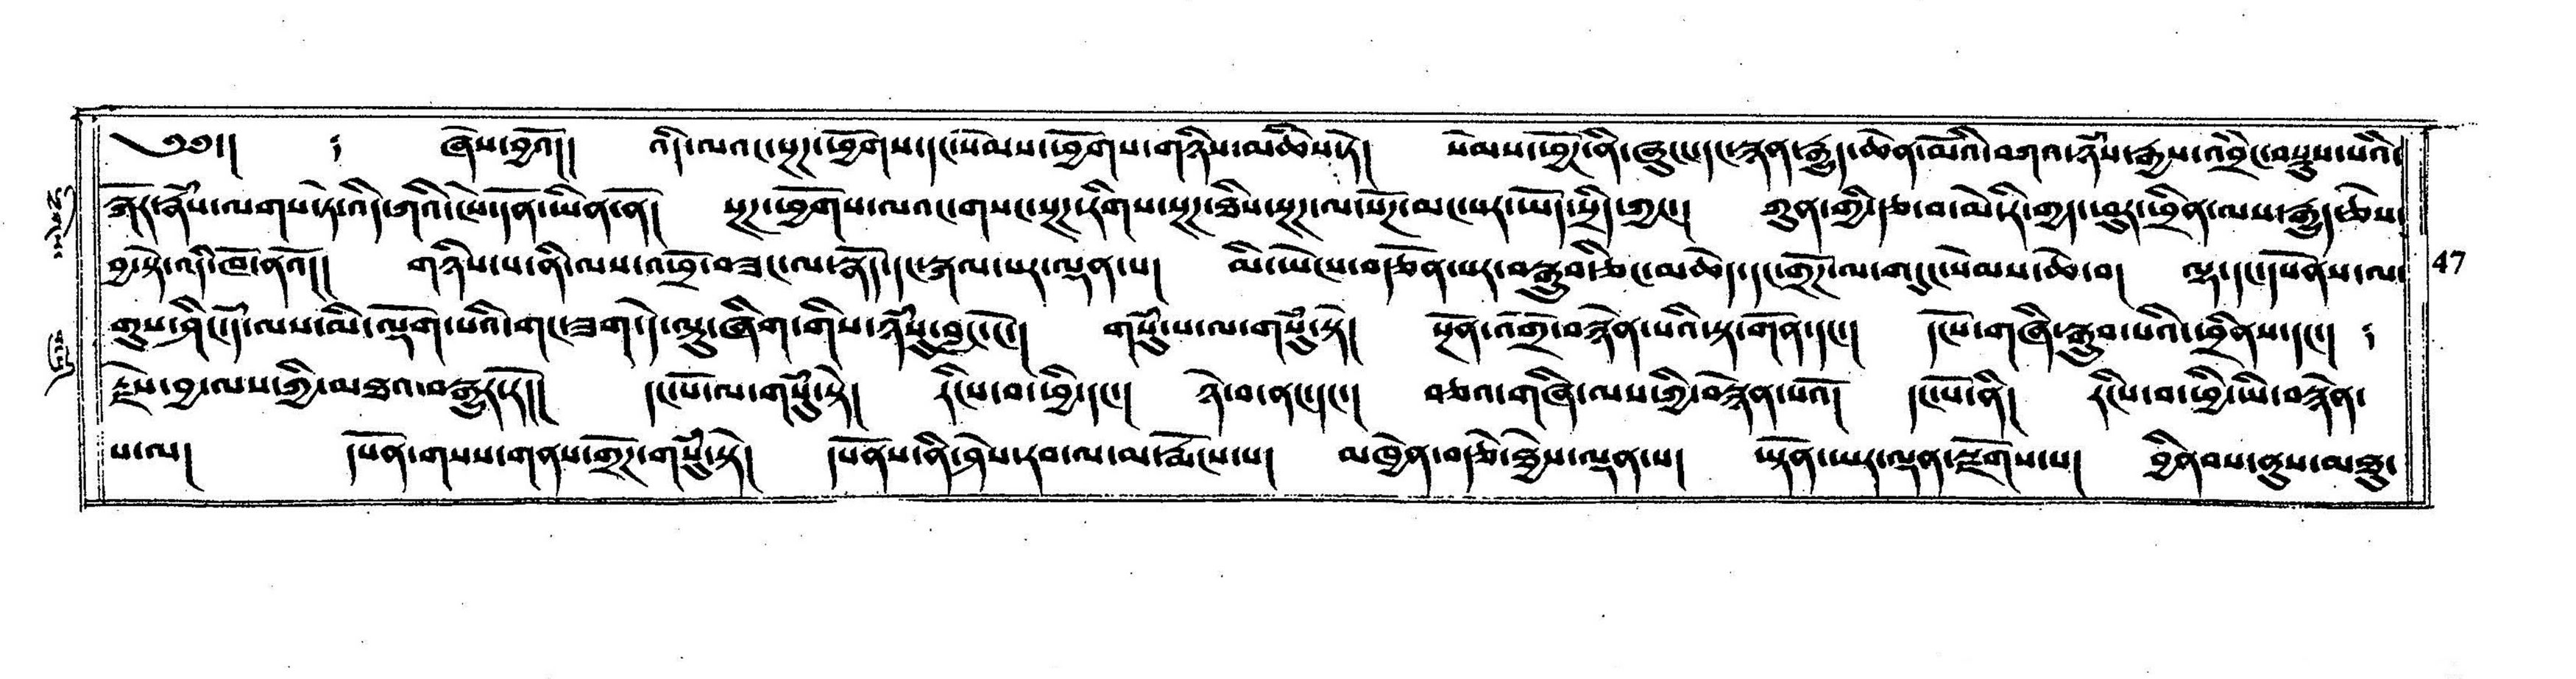ཞེས་བྱའོ།། འདི་ལའང་སྔགས་ཕྱོགས་དང་སེམས་ཕྱོགས་གཉིས་མཆིས་ཏེ། སེམས་ཕྱོགས་ནི་ཞང་ཞུང་དང་སྙན་རྒྱུད་ཆེན་མོའི་བཀའ་ཉམས་རྒྱས་འབྲིང་བསྡུས་པའི་
སྐོར་རྣམས་ལགས་ཏེ་འདི་ཀའི་ངེས་དོན་ཡིན་ནོ། སྔགས་ཕྱོགས་ལའང་གསང་སྔགས་རིགས་སྔགས་ཐིས་སྔགས་ལ་སོགས་མང་པར་ཡོད་སྲིད་ཀྱང་། ཀུན་གྱི་རྩ་བ་མེ་རི་གྱད་ཕུར་ཕྲིན་ལས་རྒྱུད་ཅེས་
བྱ་སྟེ་འདི་ཁོ་ནའོ།། གཉིས་པ་ནི་ལས་འཕྲོ་བཟང་ལ་སྣོད་དང་སྐལ་པར་ལྡན་པ། མི་ཡེངས་བརྩོན་པར་བསྒྲུབ་ཅིང་མཆེད་དང་གྲོགས་ལ་གདུང་སེམས་ཆེ་བ། ལྷ་དང་དཔོན་གསས་ལ་
གུས་ཤིང་དམ་ལས་མི་ལྡོག་པའི་གང་ཟག་དེ་ལྟ་བུ་ཞིག་གིས་ཉམས་སུ་བླང་ངོ་། གསུམ་པ་ལ་གསུམ་སྟེ། སྔོན་འགྲོ་བསྙེན་པའི་སྟ་གོན་དང་། དངོས་གཞི་སྒྲུབ་པའི་ཕྲིན་ལས་དང་། 
རྗེས་བྱ་ལས་ཀྱི་མཐའ་བསྒྱུར་རོ།། དང་པོ་ལ་གསུམ་སྟེ། རིངས་བ་ཕྱི་དང་། ཉེ་བ་ནང་དང་། བཅའ་གཞི་ལས་ཀྱི་བསྙེན་པའོ། དང་པོ་ནི། རིངས་བ་ཕྱི་ཡི་བསྙེན་
པ་ལ། དཔོན་གསས་གནས་གྲོགས་གསུམ་སྟེ། དཔོན་གསས་ནི་ཤེས་རབ་ལ་མ་རྨོངས་པ། མཁྱེན་བརྩེ་ཐུགས་རྗེས་ལྡན་པ། ཡོན་ཏན་ཡར་ལྡན་རྫོགས་པ། བྱིན་རླབས་ནུས་མཐུ་